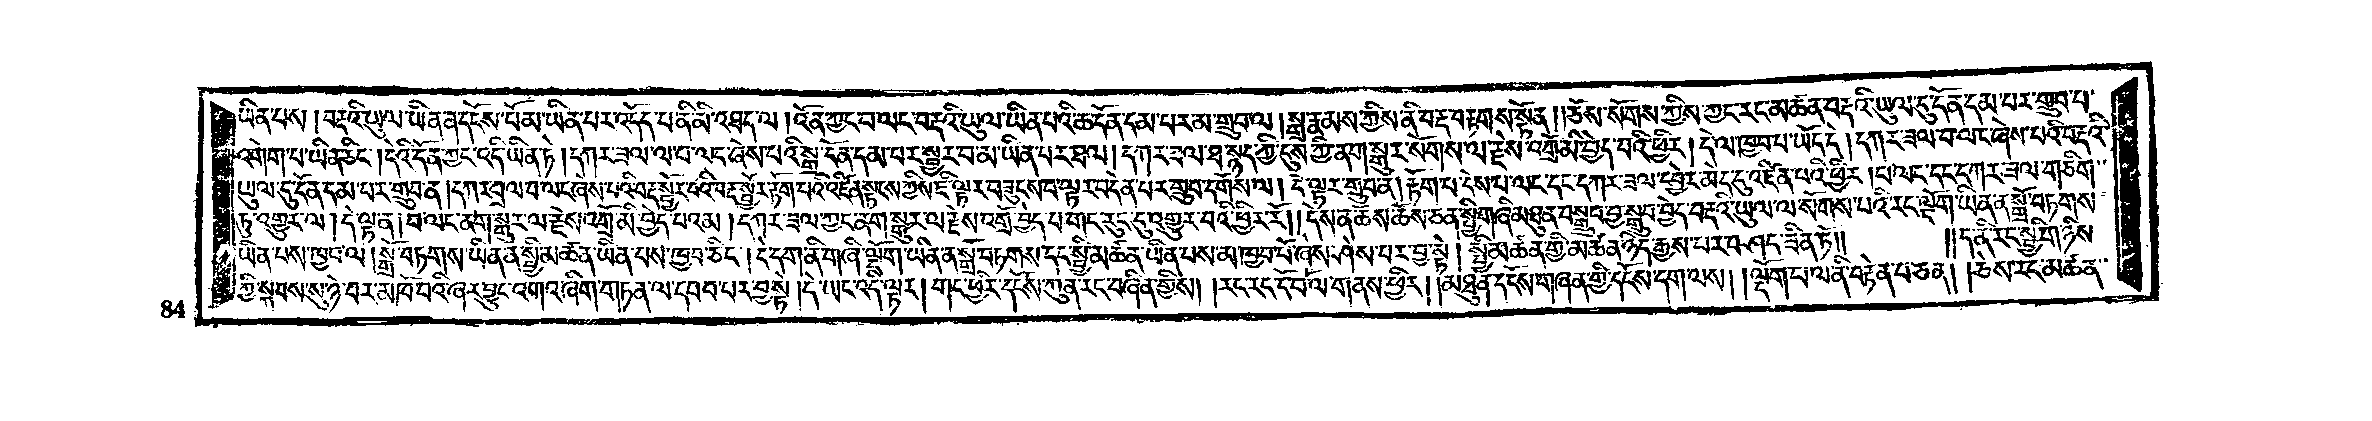ཡིན་པས། བརྡའི་ཡུལ་ཡིན་ན་དངོས་པོ་མ་ཡིན་པར་འདོད་པ་ནི་མི་འཐད་ལ། འོན་ཀྱང་བ་ལང་བརྡའི་ཡུལ་ཡིན་པའི་ཆ་དོན་དམ་པར་མ་གྲུབ་ལ། སྒྲ་རྣམས་ཀྱིས་ནི་བརྡ་བརྟགས་སྟོན། །ཅེས་སོགས་ཀྱིས་ཀྱང་རང་མཚན་བརྡའི་ཡུལ་དུ་དོན་དམ་པར་གྲུབ་པ་
འགོག་པ་ཡིན་ཅིང་། དེའི་དོན་ཀྱང་འདི་ཡིན་ཏེ། དཀར་ཟལ་ལ་བ་ལང་ཞེས་པའི་སྒྲ་དོན་དམ་པར་སྦྱར་བ་མ་ཡིན་པར་ཐལ། དཀར་ཟལ་ཐ་སྙད་ཀྱི་དུས་ཀྱི་ནག་སྒུར་སོགས་ལ་རྗེས་འགྲོ་མི་བྱེད་པའི་ཕྱིར། དེ་ལ་ཁྱབ་པ་ཡོད་དེ། དཀར་ཟལ་བ་ལང་ཞེས་པའི་བརྡའི་
ཡུལ་དུ་དོན་དམ་པར་གྲུབ་ན། དཀར་ཟལ་བ་ལང་ཞེས་པའི་བརྡ་སྦྱོར་བའི་བརྡ་སྦྱོར་རྟོག་པའི་འཛིན་སྟངས་ཀྱིས་ཇི་ལྟར་བཟུངས་བ་ལྟར་བདེན་པར་གྲུབ་དགོས་ལ། དེ་ལྟར་གྲུབ་ན། རྟོག་པ་དེས་བ་ལང་དང་དཀར་ཟལ་དབྱེར་མེད་དུ་འཛིན་པའི་ཕྱིར། བ་ལང་དང་དཀར་ཟལ་གཅིག་
ཏུ་འགྱུར་ལ། དེ་ལྟ་ན། བ་ལང་ནག་སྒུར་ལ་རྗེས་འགྲོ་མི་བྱེད་པའམ། དཀར་ཟལ་ཀྱང་ནག་སྒུར་ལ་རྗེས་འགྲོ་བྱེད་པ་གང་རུང་དུ་འགྱུར་བའི་ཕྱིར་རོ། །དེས་ན་ཆོས་ཆོས་ཅན་སྤྱི་གཞི་མཐུན་བསྒྲུབ་བྱ་སྒྲུབ་བྱེད་བརྡའི་ཡུལ་ལ་སོགས་པའི་རང་ལྡོག་ཡིན་ན་སྒྲོ་བཏགས་
ཡིན་པས་ཁྱབ་ལ། སྒྲོ་བཏགས་ཡིན་ན་སྤྱི་མཚན་ཡིན་པས་ཁྱབ་ཅིང་། དེ་དག་ནི་གཞི་ལྡོག་ཡིན་ན་སྒྲོ་བཏགས་དང་སྤྱི་མཚན་ཡིན་པས་མ་ཁྱབ་བོ་ཞེས་ཤེས་པར་བྱ་སྟེ། སྤྱི་མཚན་གྱི་མཚན་ཉིད་རྒྱས་པར་བཤད་ཟིན་ཏོ།། །།ད་ནི་རང་སྤྱི་གཉིས་
ཀྱི་སྐབས་སུ་ཉེ་བར་མཁོ་བའི་ཞར་བྱུང་འགའ་ཞིག་གཏན་ལ་དབབ་པར་བྱ་སྟེ། དེ་ཡང་འདི་ལྟར། གང་ཕྱིར་དངོས་ཀུན་རང་བཞིན་གྱིས། །རང་རང་ངོ་བོ་ལ་གནས་ཕྱིར། །མཐུན་དངོས་གཞན་གྱི་དངོས་དག་ལས། །ལྡོག་པ་ལ་ནི་བརྟེན་པ་ཅན། །ཅེས་རང་མཚན་